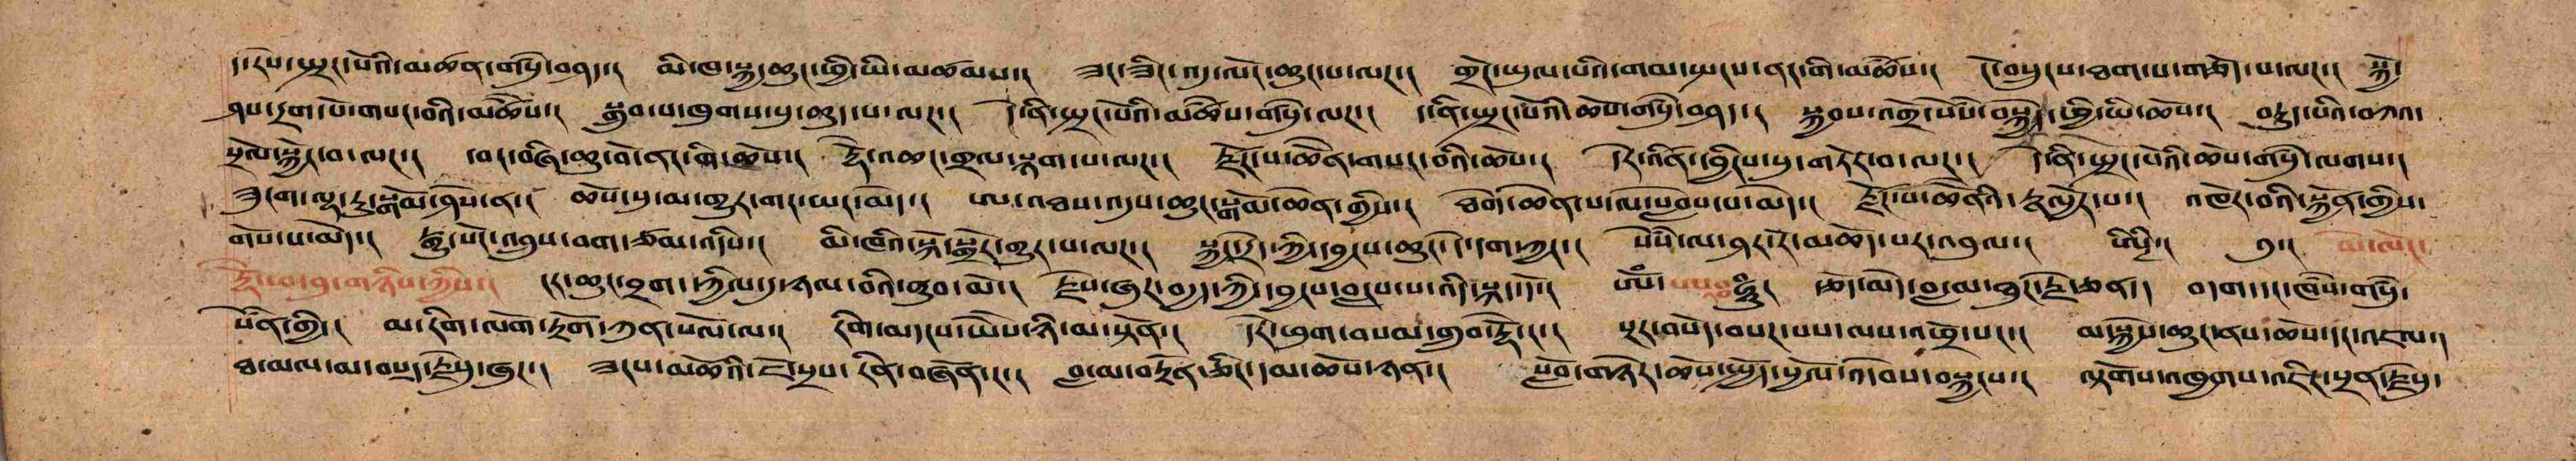ད་རེས་སྤྲང་པོའི་མཚན་གསུམ་བཤད། མི་ཁ་སྐྱ་ཆུང་ཕྱི་ཡི་མཚམས། ཟང་ཟིང་འདུ་ལོང་ཆུང་པ་ལགས། གྲོང་ཡུལ་པའི་གམ་སྤངས་ནང་གི་མཚོས། ངོ་བསྲུངས་ཐག་པ་གཅོད་པ་ལགས། སྐྱོ་
ཤས་དྲག་པོ་གསང་བའི་མཚམས། སྒྲུབ་པ་ཁུགས་སུ་ཆུད་པ་ལགས། དེ་ནི་སྤྲང་པོའི་མཚཾས་གསུམ་ལགས། ད་ནི་སྤྲང་པོའི་ཆོས་གསུམ་བཤད། སྐྱབས་འགྲོ་སེམས་བསྐྱེད་ཕྱི་ཡི་ཆོས། བདྱུད་པའི་བཀའ་
སྲོལ་སྐྱོང་བ་ལགས། དབང་བཞི་ཆུ་བོ་ནང་གི་ཆོས། རྡོ་རྗེ་འཆང་གྲལ་སྙག་པ་ལགས། རྫོགས་པ་ཆེན་པོ་གསང་བའི་ཆོས། དེར་འཛིན་དབྱིངས་སུ་གཏོར་བ་ལགས། དེ་ནི་སྤྲང་པོའི་ཆོས་གསུམ་ལགས། 
ཟུང་འཇུག་ལྷ་རུ་སྒོམ་ཤེས་ན། ཆོས་སུ་མ་གྱུར་གང་ཡང་མེད། ཨ་འཐས་འདུས་ཆུང་སྒོམ་ཆེན་གྱིས། ཐེག་ཆེན་ས་ལ་སླེབས་པ་མེད། རྫོགས་པ་ཆེན་པོའི་རྣམ་འབྱོར་པ། འཁོར་བའི་སྐྱོན་གྱིས་
གོས་པ་མེད། རྒྱུ་སོང་འབྲས་བུ་བག་ཙམ་འདིས། མི་ཁའི་སྐོ་སྒྲོར་གྱུར་པ་ལགས། སྐྱང་དྲེད་ཀྱི་དབྱངས་ཆུང་དེ་དག་ཀྱང་། སེམས་ལ་ཤར་རོ་མཆོད་པར་འབུལ། ཨིཊི། ༄་། མེ་ལོང་
རྡོ་རྗེ་ཕ་བུ་གཉིས་ཀྱིས། ངར་ཆུང་བྲག་དཀྱིལ་དུ་ཉལ་བའི་ནུབ་མོ། རྗེས་ཞུགས་བརྒྱད་ཀྱི་དབངས་བླངས་པ་འདི་སྐད་དོ། ཨོཾ་ཨཱཿ ཧཱུཾ། རྩོད་མེད་བླ་མ་ཐུགས་རྗེ་ཅན། བདག་དང་ཁམས་གསུམ་
སེམས་ཅན་གྱི། མ་རིག་ལོག་རྟོག་ཀུན་སོལ་ལ། རིག་མདངས་ཡེ་ཤེས་ཉི་མ་སྟོན། དེར་ཕུག་བསམ་གྲུབ་རྡོ་རྗེ་ང་། སྔར་བསོད་བསགས་པས་ལས་འཕྲོ་སང་། མ་སྐྱེས་ཆུང་ནས་ཆོས་དང་འཇལ། 
ཐ་མལ་མ་བསྡད་རྗེས་སུ་ཞུགས། ཟངས་མཚོའི་ཇོ་སྲས་རིན་བཞོན་ང་། བླ་མ་བརྟེན་ཅིང་དམ་ཆོས་ཉན། སློབ་གཉེར་ཆོས་སྤྱོད་གསོལ་འདེབས་བསྐྱངས། ལྟོགས་འཁྱགས་འཇིགས་སྲན་རྗེས་སུ་